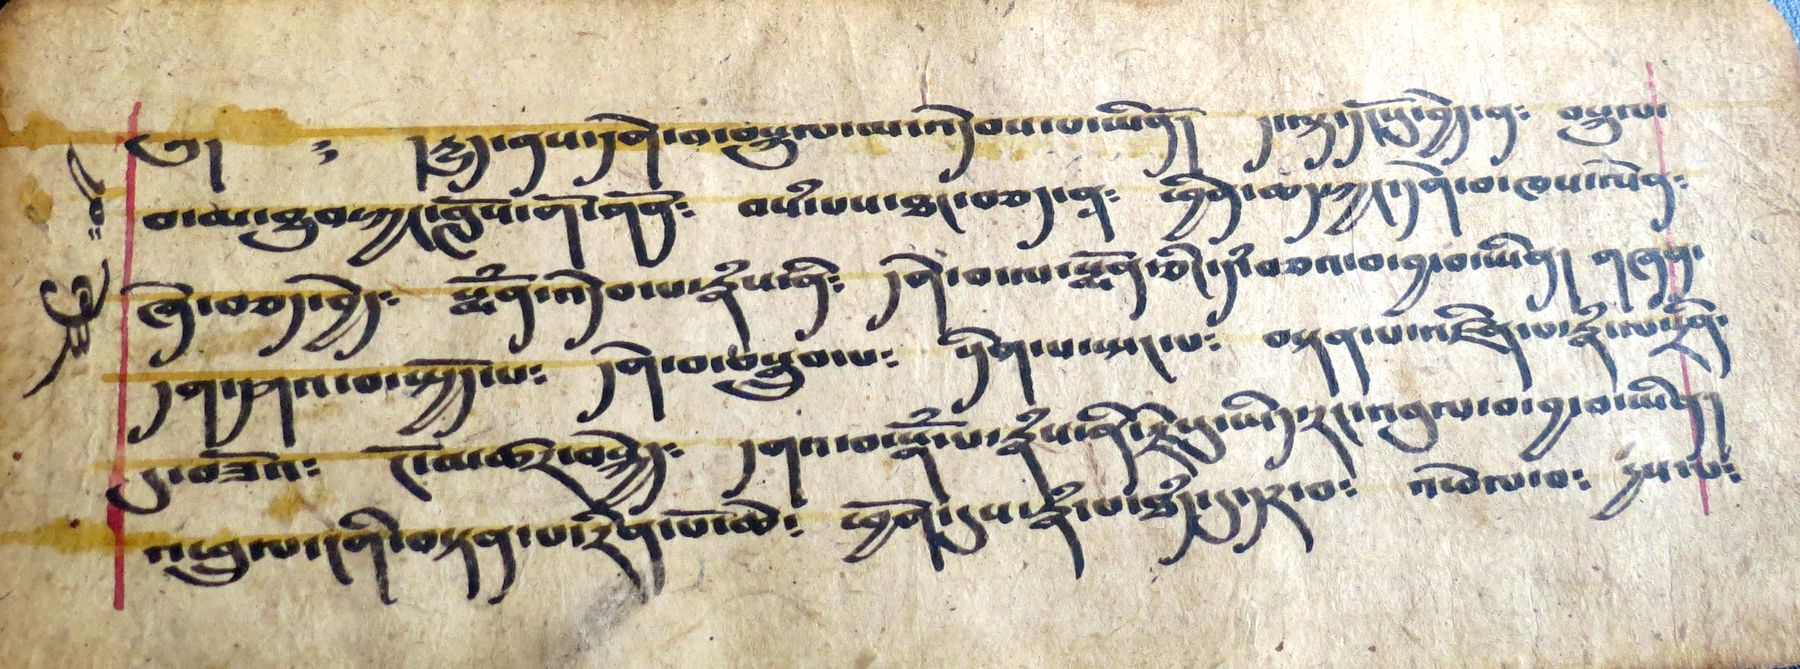རྒྱུད་ནས་དགེ་བ་ལ་བསྐུལ་བ་འདེབས་པ་ཡིན། ད་ལྟ་དངོས་སུ་བྱེད་པ། བསྐུལ་
བ་མ་གྲུབ་ཀྱང་། བློས་གོ་གོན་པ། བསམ་པས་ཐང་བཅད་ནས། ཕྱིན་ཆད་དུ་དགེ་བ་ལ་ཁས་ལེན་
ཞེ་བཅད་བྱེད་པ། སྨོན་ལམ་འདེབས་པ་རྣམས་ནི་དགེ་བ་ལ་སྨོན་ཅིང་དམ་བཅའ་བ་བྱ་བ་ཡིན། གཞན་
དག་དཀའ་བ་སྤྱོད་པ། དགེ་བ་བསྒྲུབ་པ། སྡིག་པ་སྤོང་བ། བསྟན་པ་འཛིན་པ་རྣམས་ལ་དྲིན་
དུ་བཟོ། ངོ་མཚར་བསྐྱེད། དགེ་བ་སྒོམ་པ་རྣམས་ནི། རྗེས་སུ་ཡིད་རང་འབུལ་བ་བྱ་བ་ཡིན། 
འཕྲུལ་ངག་གི་བསྟན་པ་རིན་པོ་ཆེ། ཕྱོགས་དུས་རྣམ་པ་ཐམས་ཅད་དུ་དར་བ། འཕེལ་བ། རྒྱས་པ།